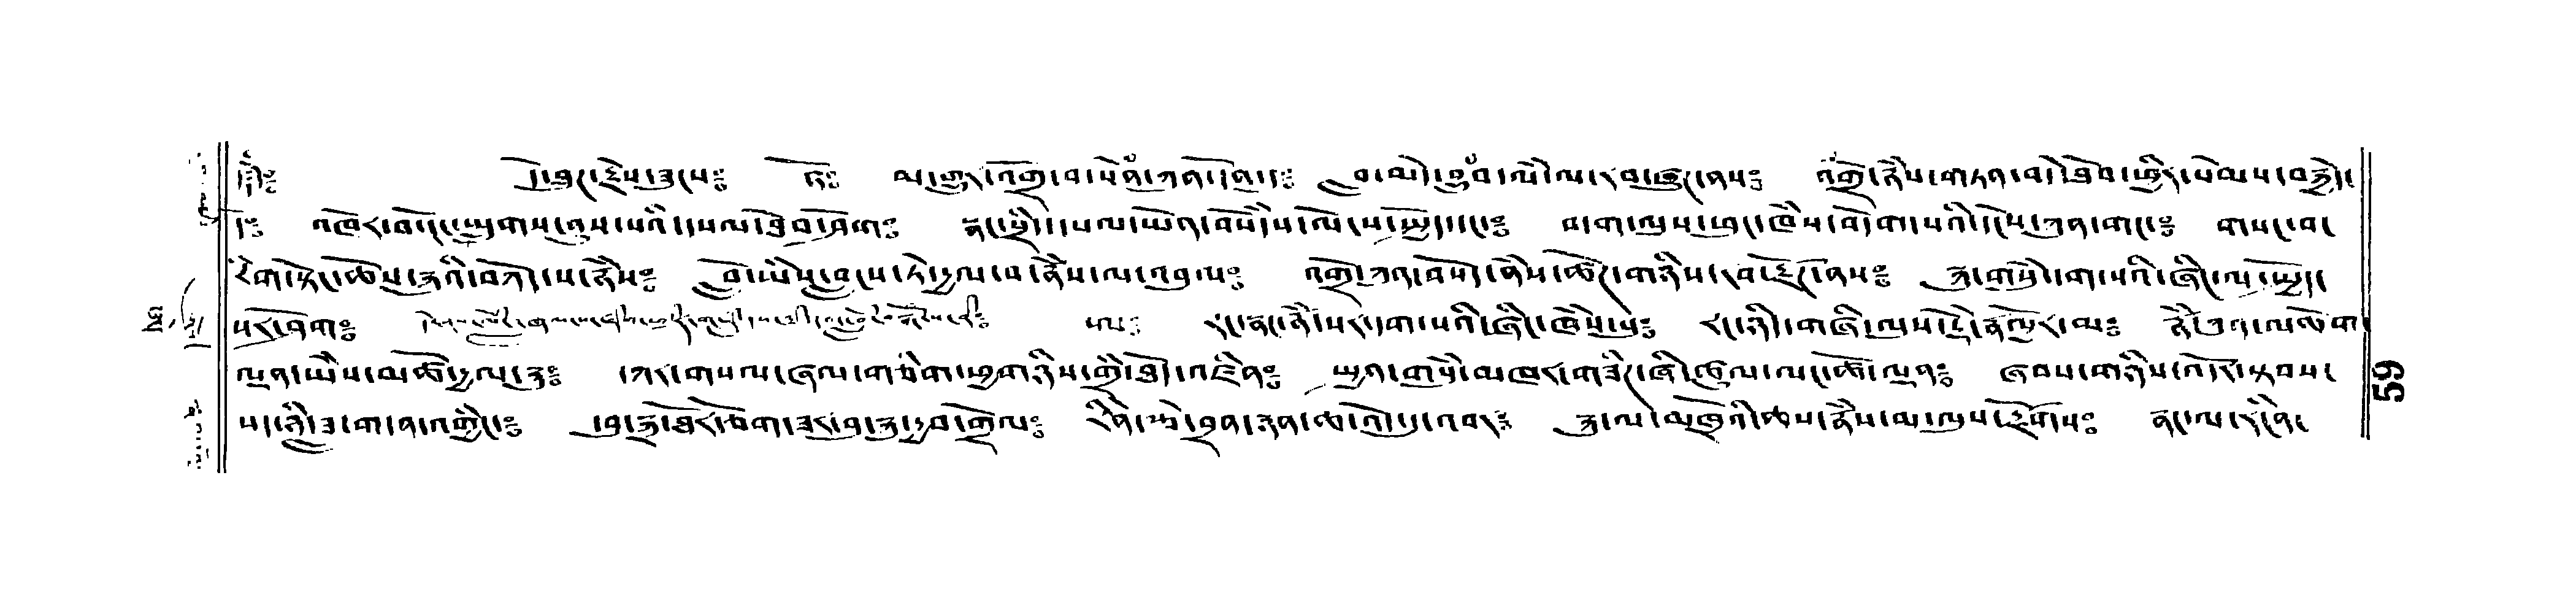ཐུགས་རྗེས་ཟུངས༔ ཧོཿ མ་གྱུར་འགྲོ་བ་སེམས་ཅན་ཀུན་དོན་དུ༔ བླ་མེད་བྱང་ཆུབ་ལམ་ལ་རབ་ཞུགས་ནས༔ འགྲོ་རྣམས་གཏན་བདེ་འཐོབ་ཕྱིར་སེམས་བསྐྱེད་
དེ༔ འཁོར་བ་དོང་སྤྲུགས་ནུས་པའི་དཔལ་ཐོབ་ཤོག༔ སྣང་སྲིད་དཔལ་ཡོན་བསོད་ནམས་ལོངས་སྤྱོད་དང༔ བདག་ལུས་ཕུང་ཁམས་བདོག་པའི་དངོས་ཀུན་གང༔ གསང་བ་
རིག་སྟོང་ཆོས་སྐུའི་བཀོད་པ་རྣམས༔ བློ་ཡིས་བླངས་ཏེ་རྒྱལ་བ་རྣམས་ལ་འབུལ༔ འགྲོ་ཀུན་བསོད་ནམས་ཚོགས་གཉིས་རབ་རྫོགས་ནས༔ སྐུ་གསུམ་དག་པའི་ཞིང་ལ་སྤྱོད་
པར་ཤོག༔ དེ་ནས་ལམ་འཁྲུལ་པ་ཞིག་ཕྱིར་གཞི་དུས་ཀྱི་དབང་བླ་མ་སྒོམ་པ་ནི༔ ཨཱཿ རང་སྣང་རྣམ་པར་དག་པའི་ཞིང་ཁམས་སུ༔ རང་ཉིད་གཞི་ལུས་རྡོ་རྗེ་རྣལ་འབྱོར་མ༔ རྣམ་ཀུན་མཆོག་
ལྡན་ཡེ་ཤེས་མཚོ་རྒྱལ་སྐུ༔ དཀར་གསལ་ཞལ་གཅིག་ཕྱག་གཉིས་གྲི་ཐོད་འཛིན༔ སྤྱན་གསུམ་མཁར་གཟིགས་ཞི་ཚུལ་ལང་ཚོ་ལྡན༔ ཞབས་གཉིས་འདོར་སྟབས་
པད་ཉི་ཟླ་གདན་འགྱིང༔ དབུ་སྐྲ་ཐོར་ཅོག་ཟར་བུ་སྐུ་རྒྱབ་གྲོལ༔ རིན་ཆེན་རྩེ་བྲན་སྙན་ཆ་འོད་དུ་འབར༔ སྐུ་ལ་མཁའ་འགྲོའི་ཆས་རྣམས་མ་ལུས་རྫོགས༔ སྣང་ལ་རང་བཞིན་